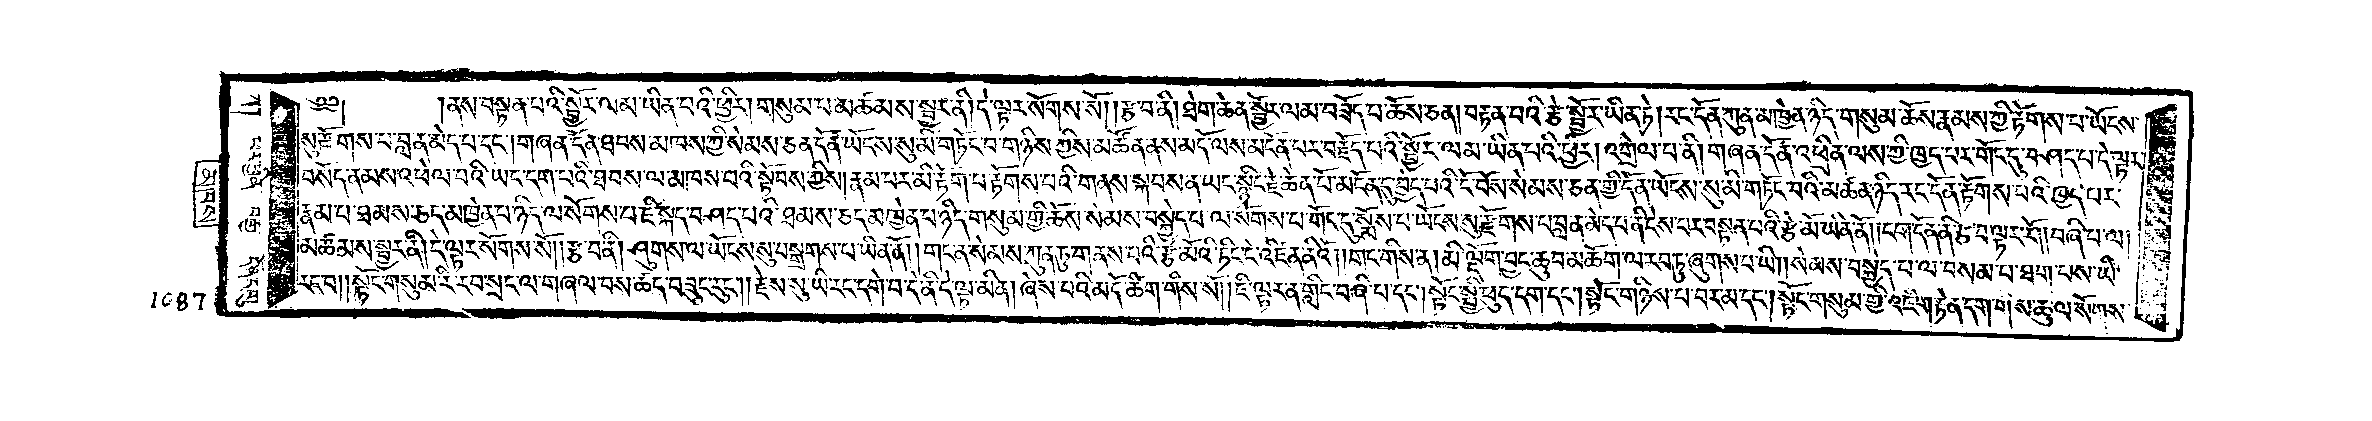༄༅། །ནས་བསྟན་པའི་སྦྱོར་ལམ་ཡིན་པའི་ཕྱིར། གསུམ་པ་མཚམས་སྦྱར་ནི། དེ་ལྟར་སོགས་སོ། །རྩ་བ་ནི། ཐེག་ཆེན་སྦྱོར་ལམ་བཟོད་པ་ཆོས་ཅན། བརྟན་པའི་རྩེ་སྦྱོར་ཡིན་ཏེ། རང་དོན་ཀུན་མཁྱེན་ཉིད་གསུམ་ཆོས་རྣམས་ཀྱི་རྟོགས་པ་ཡོངས་
སུ་རྫོགས་པ་བླ་ན་མེད་པ་དང་། གཞན་དོན་ཐབས་མཁས་ཀྱི་སེམས་ཅན་དོན་ཡོངས་སུ་མི་གཏོང་བ་གཉིས་ཀྱིས་མཚོན་ནས་མདོ་ལས་མངོན་པར་བརྗོད་པའི་སྦྱོར་ལམ་ཡིན་པའི་ཕྱིར། འགྲེལ་བ་ནི། གཞན་དོན་འཕྲིན་ལས་ཀྱི་ཁྱད་པར་གོང་དུ་བཤད་པ་དེ་ལྟར་
བསོད་ནམས་འཕེལ་བའི་ཡང་དག་པའི་ཐབས་ལ་མཁས་པའི་སྟོབས་ཀྱིས། རྣམ་པར་མི་རྟོག་པ་རྟོགས་པའི་གནས་སྐབས་ན་ཡང་སྙིང་རྗེ་ཆེན་པོ་མངོན་དུ་བྱེད་པའི་ངོ་བོས་སེམས་ཅན་གྱི་དོན་ཡོངས་སུ་མི་གཏོང་བའི་མཚན་ཉིད་རང་དོན་རྟོགས་པའི་ཁྱད་པར་
རྣམ་པ་ཐམས་ཅད་མཁྱེན་པ་ཉིད་ལ་སོགས་པ་ཇི་སྐད་བཤད་པའི་ཐམས་ཅད་མཁྱེན་པ་ཉིད་གསུམ་གྱི་ཆོས་སེམས་བསྐྱེད་པ་ལ་སོགས་པ་གོང་དུ་སྨོས་པ་ཡོངས་སུ་རྫོགས་པ་བླ་ན་མེད་པ་ནི་ངེས་པར་བསྟན་པའི་རྩེ་མོ་ཡིན་ནོ། །ངག་དོན་ནི་རྩ་བ་ལྟར་རོ། །བཞི་པ་ལ།
མཚམས་སྦྱར་ནི། དེ་ལྟར་སོགས་སོ། །རྩ་བ་ནི། ཤུགས་ལ་ཡོངས་སུ་བསྒྲགས་པ་ཡིན་ནོ། །གང་ན་སེམས་ཀུན་ཏུ་གནས་པའི་རྩེ་མོའི་ཏིང་ངེ་འཛིན་ནིའོ། །གང་གིས་ན། མི་ལྡོག་བྱང་ཆུབ་མཆོག་ལ་རབ་ཏུ་ཞུགས་པ་ཡི། །སེམས་བསྐྱེད་པ་ལ་བསམ་པ་ཐག་པས་ཡི་
རང་བ། །སྟོང་གསུམ་རི་རབ་སྲང་ལ་གཞལ་བས་ཚད་བཟུང་རུང་། །རྗེས་སུ་ཡི་རང་དགེ་བ་དེ་ནི་དེ་ལྟ་མིན། ཞེས་པའི་མདོ་ཚིག་གིས་སོ། །ཇི་ལྟར་ན་གླིང་བཞི་པ་དང་། སྟོང་སྤྱི་ཕུད་དག་དང་། སྟོང་གཉིས་པ་བར་མ་དང་། སྟོང་གསུམ་གྱི་འཇིག་རྟེན་དག་གིས་ཆུ་ལ་སོགས་